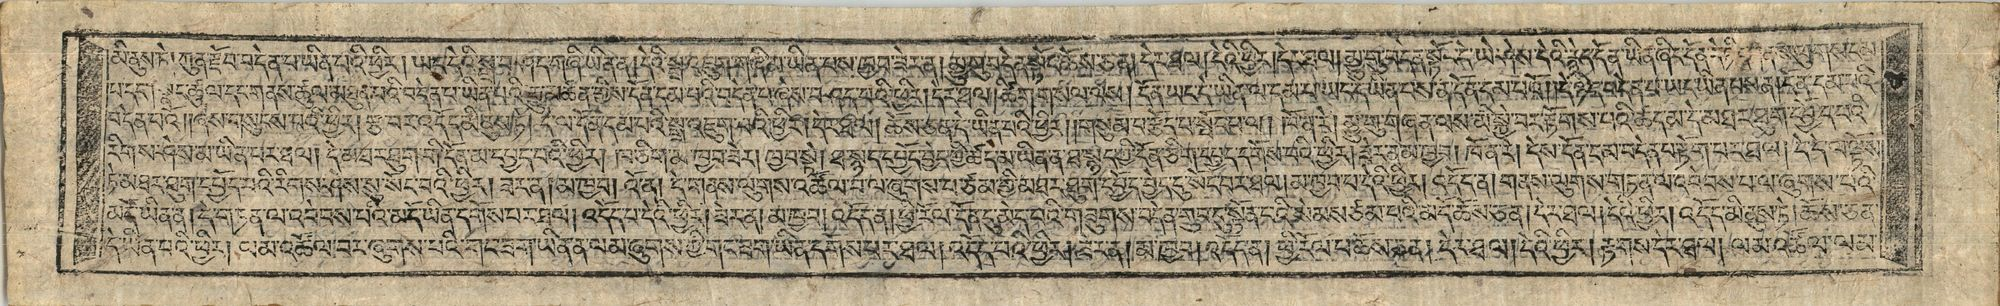མི་ནུས་ཏེ། ཀུན་རྫོབ་བདེན་པ་ཡིན་པའི་ཕྱིར། ཡང་དེའི་སྒྲ་བཤད་གཞི་ཡིན་ན། དེའི་སྒྲ་འཇུག་གཞི་མ་ཡིན་པས་ཁྱབ་ཟེར་ན། མྱུ་གུ་བདེན་སྟོང་ཆོས་ཅན། དེར་ཐལ། དེའི་ཕྱིར། དེར་ཐལ། མྱུ་གུ་བདེན་སྟོང་དེ་ཡེ་ཤེས་དེའི་རྙེད་དོན་ཡིན་ཞིང་དོན་དེ་ཉིད་གནས་ལུགས་དམ་
པ་དང་། སྣང་ཚུལ་དང་གནས་ཚུལ་མཐུན་པའི་བདེན་པ་ཡིན་པའི་རྒྱུ་མཚན་གྱིས་དོན་དམ་པའི་བདེན་པ་ཞེས་བཤད་པའི་ཕྱིར། དེར་ཐལ། ཚིག་གསལ་ལས། དོན་ཡང་དེ་ཡིན་ལ་དམ་པ་ཡང་དེ་ཡིན་པས་ན་དོན་དམ་པའོ། །དེ་ཉིད་བདེན་པ་ཡང་ཡིན་པས་ན། དོན་དམ་པའི་
བདེན་པའོ། །ཞེས་གསུངས་པའི་ཕྱིར། རྩ་བར་འདོད་མི་ནུས་ཏེ། དེ་ལ་དོན་དམ་པའི་སྒྲ་འཇུག་པའི་ཕྱིར། དེར་ཐལ། ཆོས་ཅན་དེ་ཡིན་པའི་ཕྱིར། །གསུམ་པ་རྩོད་པ་སྤོང་བ་ལ། ཁོ་ན་རེ། མྱུ་གུ་གཞན་ལས་མི་སྐྱེ་བར་རྟོགས་པའི་ཚད་མ་དེ་མཐར་ཐུག་དཔྱོད་པའི་
རིགས་ཤེས་མ་ཡིན་པར་ཐལ། དེ་མཐར་ཐུག་གི་དོན་མ་དཔྱད་པའི་ཕྱིར། ཁ་ཅིག་མ་ཁྱབ་ཟེར། ཁྱབ་སྟེ། ཐ་སྙད་དཔྱོད་བྱེད་ཀྱི་ཚད་མ་ཡིན་ན་ཐ་སྙད་ཀྱི་དོན་ཅིག་དཔྱད་དགོས་པའི་ཕྱིར། ཟེར་ན་མ་ཁྱབ། ཁོ་ན་རེ། དེས་དོན་དམ་བདེན་པ་རྟོག་པར་ཐལ། དེ་དེ་ལ་ལྟོས་
ཏེ་མཐར་ཐུག་དཔྱོད་པའི་རིགས་ཤེས་སུ་སོང་བའི་ཕྱིར། ཟེར་ན། མ་ཁྱབ། འོ་ན། དེ་གནས་ལུགས་འཆོལ་བ་ལ་ཞུགས་པ་ཙམ་གྱི་མཐར་ཐུག་དཔྱོད་བྱེད་དུ་སོང་བར་ཐལ། མ་ཁྱབ་པ་དེའི་ཕྱིར། འདོད་ན། གནས་ལུགས་གཏན་ལ་འབེབས་པ་ལ་ཞུགས་པའི་
མདོ་ཡིན་ན། དེ་གཏན་ལ་འབེབས་པའི་མདོ་ཡིན་དགོས་པར་ཐལ། འདོད་པ་དེའི་ཕྱིར། ཟེར་ན། མ་ཁྱབ། འདོད་ན། ཕྱི་རོལ་དོན་དུ་མེད་པའི་གཟུགས་བདེན་གྲུབ་དུ་སྟོན་པའི་སེམས་ཙམ་པའི་མདོ་ཆོས་ཅན། དེར་ཐལ། དེའི་ཕྱིར། འདོད་མི་ནུས་ཏེ། ཆོས་ཅན་
དེ་ཡིན་པའི་ཕྱིར། ལམ་འཚོལ་བར་ཞུགས་པའི་གང་ཟག་ཡིན་ན་ལམ་ཞུགས་ཀྱི་གང་ཟག་ཡིན་དགོས་པར་ཐལ། འདོད་པའི་ཕྱིར། ཟེར་ན། མ་ཁྱབ། འདོད་ན། ཕྱི་རོལ་པ་ཆོས་ཅན། དེར་ཐལ། དེའི་ཕྱིར། རྟགས་དེར་ཐལ། ལམ་འཚོལ་ལམ་